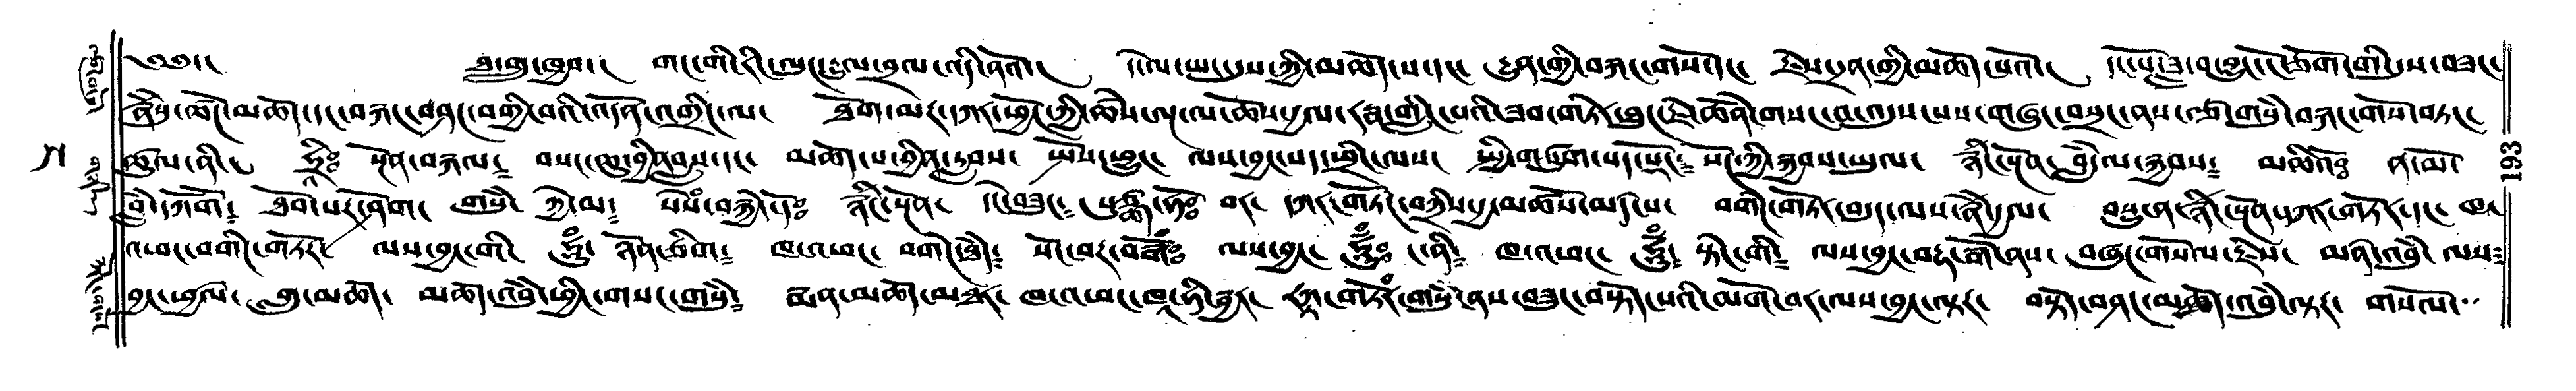ཐ་གྲུ་ཁྱབ། །གང་གི་རིང་ལུགས་རྡུལ་བྲལ་འདི་ནའོ།། དེ་ལ་ཡང་དུས་ཀྱི་མཆོད་པ་དང་། རྒྱུན་གྱི་སྐོང་གསོ་དང་། རྗེས་དྲན་གྱི་མཆོད་པའོ། དང་པོ་ཟླ་བ་བྱུང་ངོ་ཅོག་གི་དུས་བཟང་
རྣམས་སུ་ཚོགས་མཆོད་དང་སྐོང་བཤགས་བགྱི་བའི་འདོན་འགྲིགས་ལ། ཐོག་མར་དཀར་ཕྱོགས་ཀྱི་ཚེས་ལྔ་ལ་ཆོས་རྒྱལ་རཏྣ་གླིང་པའི་ཟབ་གཏེར་ཐུགས་རྗེ་ཆེན་པོ་གསང་བ་འདུས་པའི་གཞུང་བསྲངས་ནས་རྩ་གསུམ་སྐོང་གསོ་གཏོང་
ཚུལ་ནི། ཧྲཱིཿ སྔོན་བསྐལ༴ བསང་ཆུ་བྱིན་རླབས་དང་། མཆོད་པ་བྱིན་རླབས། སྤོས་ཕྱུང་། ལས་བྱང་པད་ཕྲེང་ལས། སྤྱི་གཙུག་པད་སྡོང༴ སོགས་ཀྱི་སྐྱབས་ཡུལ། རྙིང་སྔོན། བླ་མ་ལ་སྐྱབས༴ མཆིའོ། ན་མོ། 
བླ་མ་དཀོན་མཆོག༴ ཐོབ་པར་ཤོག ལན་གསུམ། ཀྱེ་མ༴ སེམས་བསྐྱེད་དོ། རྙིང་སྔོན། དེང་བཟུང༴ པུཙྪ་ཧོ། བར། དཀར་གཏོར་བཀྲ་ཤིས་རྒྱ་མཚོས་མཛད་པ། བགེགས་གཏོར་བདུད་ལས་རྣམ་རྒྱལ། བསྡུ་ན་རྙིང་སྔོན་དཀར་གཏོར་དང་། ཁ་
འཕང་བགེགས་གཏོར། ལས་བྱང་གི ཧཱུྃ༔ ཉོན་ཅིག༴ ཁ་འཕང་། བགེགས་ཐམས་ཅད༴ སོང་བར་བསྒོམ༔ ལས་བྱང་། ཧཱུྃ༔ ང་ནི༴ ཁ་འཕང་། ཧཱུྃ། སྟེང་གི༴ ལས་བྱང་གི་བརྡ་སྒོ་ནས། བཞུགས་གསོལ་རྗེས། མཆོད་འབུམ། ལས་
བྱང་ཕྱག་འཚལ། གླུ་མཆོད། མཆོད་འབུམ་ཕྱི་ནང་གསང་གསུམ༴ སྨན་མཆོད་མཐར། ཁ་འཕང་ཁཱ་ཧི་སྦྱར། རཀྟ་གཏོར་མ་གསུམ་ནས་བཟུང་བསྟོད་པའི་མགོ་བར་ལས་བྱང་ལྟར། བསྟོད་བཤགས་མཆོད་འབུམ་ལྟར། གསོལ་